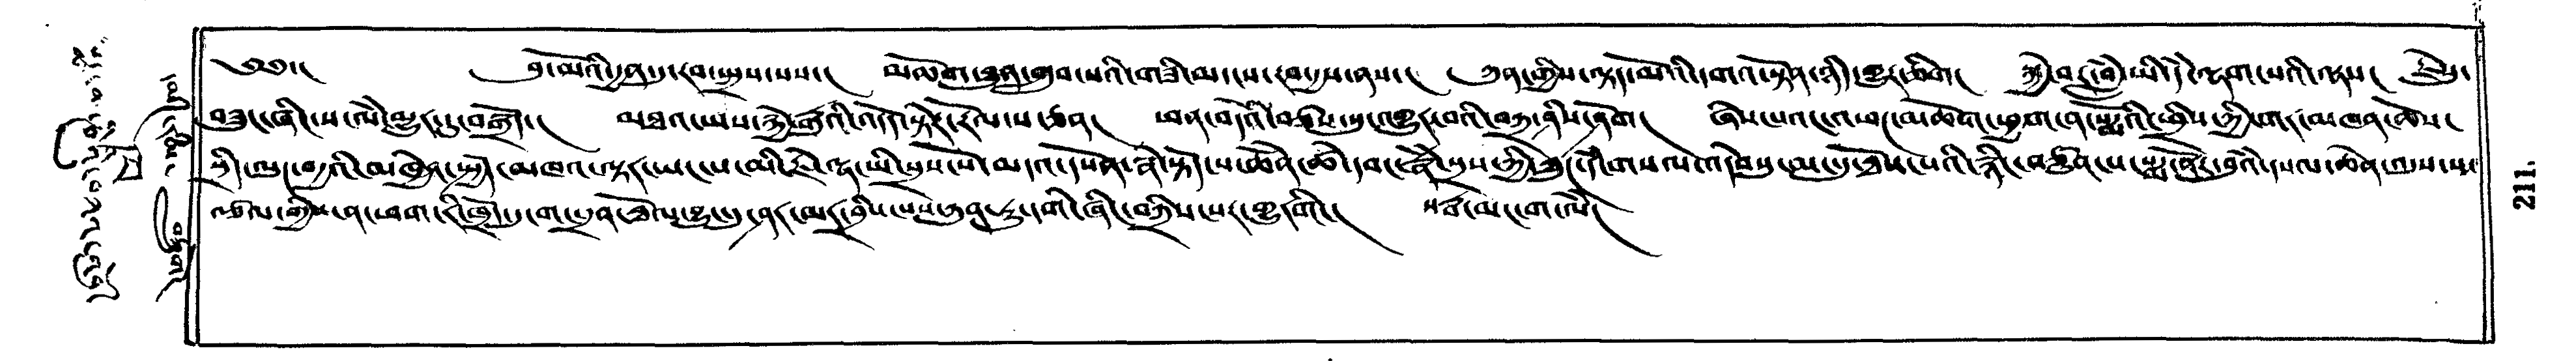བུ་མོའི་རྒྱན་དུ་རབ་སྤྲས་པས། །མཆོག་ཐུན་གྲུབ་པའི་གཟི་མདངས་རབ་རྒྱས་ནས། །ཀུན་ཀྱིས་ལྟད་མོའི་དགའ་སྟོན་ཉིད་གྱུར་ཅིག །སྐྱེ་བར་བླ་མ་ཡི་དམ་ལྷག་པའི་ལྷས། །རྗེས་སུ་
བཟུང་ཞིང་ས་ལམ་མྱུར་དུ་བགྲོད། །མཐའ་ཡས་སྐྱེ་རྒུའི་འདོད་སྟེར་རོལ་པ་ཅན། །ཕན་བདེའི་བཙས་སུ་འགྱུར་བའི་བཀྲ་ཤིས་ཤོག །ཅེས་པའང་འཕགས་མཆོག་ཕྱག་ན་པདྨོའི་ཕྲིན་ལས་ཀྱི་གར་མཁན་ཆོས་
སྲིད་ལུགས་བརྒྱའི་མཁྱེན་སྤྱོད་མཁའ་ལྟར་ཡངས་པ་མི་རྗེ་ལྷའི་སྲས་པོ་མདའ་དཔོན་སྣེ་སྟོད་པ་ཆེན་པོ་ཚེ་དབང་རྣམ་སྲས་ཀྱི་ཐུགས་དམ་གསལ་འདེབས་སུ་མང་དུ་ཐོས་པའི་རྙིང་བཙུན་པདྨ་ནོར་བུའམ་དཔལ་ཆེན་འདུས་པ་
རྩལ་གྱིས་ན་ཕག་རི་ཁྲོད་དུ་གང་དྲན་ཐོལ་བྱུང་དུ་ཤར་མར་བྲིས་པས་ཀུན་ཏུ་དགེ་ཞིང་བཀྲ་ཤིས་པར་གྱུར་ཅིག །།སརྦ་མངྒ་ལཾ།། །།